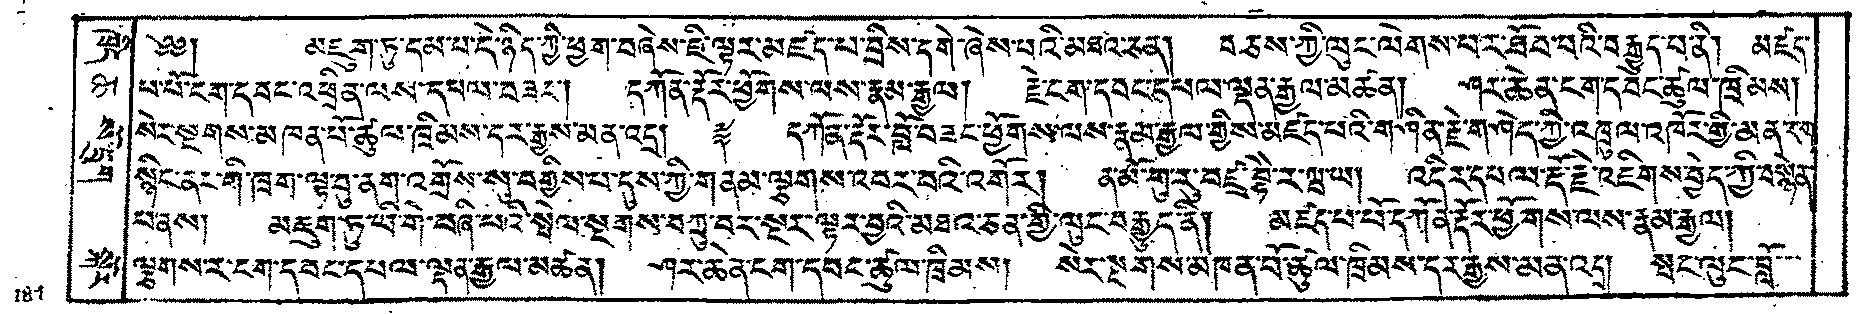༄༅། །མཇུག་ཏུ་དམ་པ་དེ་ཉིད་ཀྱི་ཕྱག་བཞེས་ཇི་ལྟར་མཛད་པ་བྲིས་དགེ་ཞེས་པའི་མཐའ་ཅན། བཅས་ཀྱི་ལུང་ལེགས་པར་ཐོབ་པའི་བརྒྱུད་པ་ནི། མཛད་
པ་པོ་ངག་དབང་འཕྲིན་ལས་དཔལ་བཟང་། དཀོན་རྡོར་ཕྱོགས་ལས་རྣམ་རྒྱལ། རྗེ་ངག་དབང་དཔལ་ལྡན་རྒྱལ་མཚན། ཤར་ཆེན་ངག་དབང་ཚུལ་ཁྲིམས།
སེར་སྔགས་མཁན་པོ་ཚུལ་ཁྲིམས་དར་རྒྱས་མན་འདྲ། ༈ དཀོན་རྡོར་བློ་བཟང་ཕྱོགས་ལས་རྣམ་རྒྱལ་གྱིས་མཛད་པའི་གཤིན་རྗེ་གཤེད་ཀྱི་འཁྲུལ་འཁོར་གྱི་མན་ངག་
སྙིང་ནང་གི་ཁྲག་ལྟ་བུ་ནག་འགྲོས་སུ་བགྱིས་པ་དུས་ཀྱི་གནམ་ལྕགས་འབར་བའི་འགོར། ན་མོ་གུ་རུ་བཛྲ་བྷཻ་ར་ཝ་ཡ། འདིར་དཔལ་རྡོ་རྗེ་འཇིགས་བྱེད་ཀྱི་བསྙེན་
པ་ནས། མཇུག་ཏུ་ཡི་གེ་བཞི་པའི་སྤེལ་སྔགས་བཀྲུ་བར་སྔར་ལྟར་བྱའི་མཐའ་ཅན་གྱི་ལུང་བརྒྱུད་ནི། མཛད་པ་པོ་དཀོན་རྡོར་ཕྱོགས་ལས་རྣམ་རྒྱལ།
ལྕགས་ར་ངག་དབང་དཔལ་ལྡན་རྒྱལ་མཚན། ཤར་ཆེན་ངག་དབང་ཚུལ་ཁྲིམས། སེར་སྔགས་མཁན་པོ་ཚུལ་ཁྲིམས་དར་རྒྱས་མན་འདྲ། སྤང་ལུང་བློ་